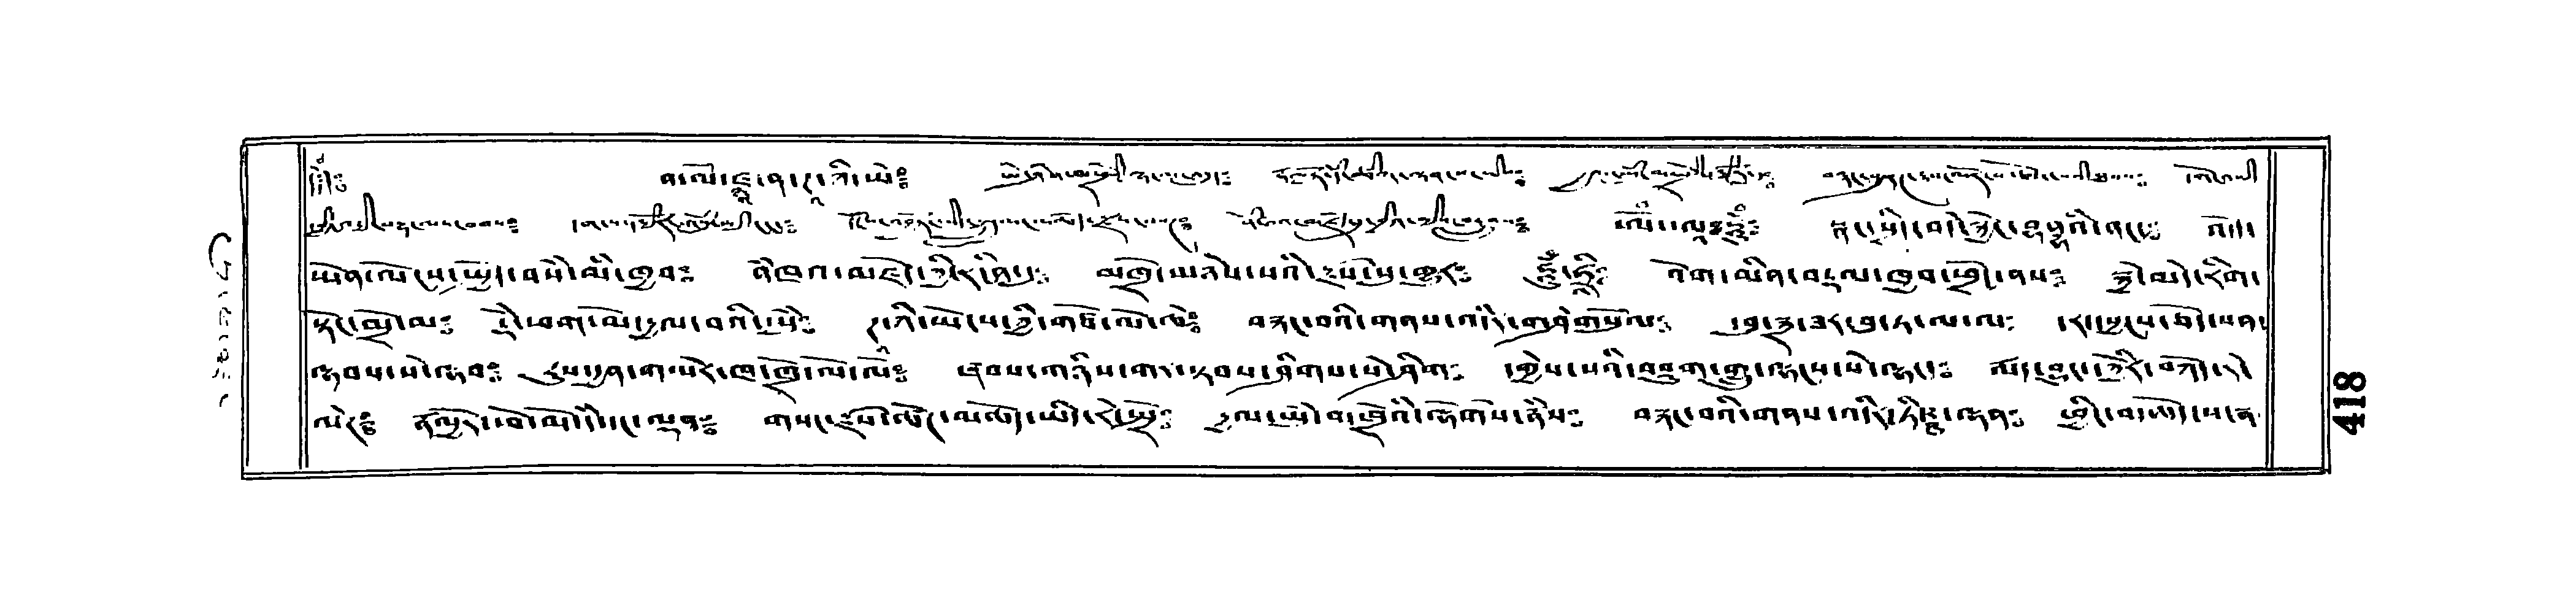ན་མོ་ཛྙཱ་ན་ཌཱ་ཀི་ཡེ༔ ཡེ་ཤེས་མཁའ་འགྲོའི་ལྷ་ལ་འདུད༔ རྣལ་འབྱོར་དམ་ཚིག་ལྡན་པ་ཡིསཿ རྒྱལ་ཡུམ་མཁའ་འགྲོའི་དཀྱིལ་འཁོར་དུ༔ བསྐང་བཤགས་ཟབ་མོར་བརྩོན་པའི་ཐབས༔ དགོངས་པའི་
དབྱིངས་ཀྱི་བརྡ་ལས་བབས༔ དག་པ་དཀྱིལ་འཁོར་གསུམ་གྱི་ངང༔ དངོས་འབྱོར་ཡིད་སྤྲུལ་མཆོད་རྫས་བསགས༔ ནམ་མཁའ་མཛོད་དུ་བྱིན་གྱིས་བརླབས༔ ཨོཾ་ཨཱཿཧཱུྃ༔ སྣང་སྲིད་བདེ་སྐྱོང་བྷནྡྷའི་ནང༔ འདོད་
ཡོན་ལོངས་སྤྱོད་བསམ་མི་ཁྱབ༔ ནམ་མཁའ་མཛོད་ཀྱི་རང་བཞིན་དུ༔ མཁའ་འགྲོ་མཉེས་པའི་རྫས་སུ་གྱུར༔ ཧཱུྃ་ཧྲཱིཿ འོག་མིན་བརྡལ་ཁྱབ་ཕོ་བྲང་ནས༔ སྐྱེ་མེད་རིག་
སྟོང་མཁའ་འགྲོ་མ༔ རྡོ་རྗེ་ཕག་མོ་རྒྱལ་བའི་ཡུམ༔ ཌཱ་ཀི་ཡོངས་ཀྱི་གཙོ་མོ་ཆེ༔ བསྐང་བའི་གནས་འདིར་གཤེགས་སུ་གསོལ༔ དབུ་སྐྲ་ཟར་བུ་ཏ་ལ་ལ༔ དར་དཔྱངས་ཅོད་པཎ་
ལྷབས་སེ་ལྷབ༔ རུས་རྒྱན་གཡེར་ཁ་ཁྲོ་ལོ་ལོ༔ ཞབས་གཉིས་གར་སྟབས་ཤིགས་སེ་ཤིག༔ དགྱེས་པའི་བཤུགས་གླུ་ལྷངས་སེ་ལྷང༔ རྨད་བྱུང་དཀྱིལ་འཁོར་བཀོད་རེ་
ལེགས༔ རྣལ་འབྱོར་ཕོ་མོ་དམ་དང་ལྡན༔ གསང་རྫས་ཚོགས་མཆོད་ཡིད་རེ་སྤྲོ༔ རྒྱལ་ཡུམ་མཁའ་འགྲོའི་ལྷ་ཚོགས་རྣམས༔ བསྐང་བའི་གནས་འདིར་ཏིཥྛ་ལྷན༔ ཕྱི་ནང་མཆོད་པ་སྣ་